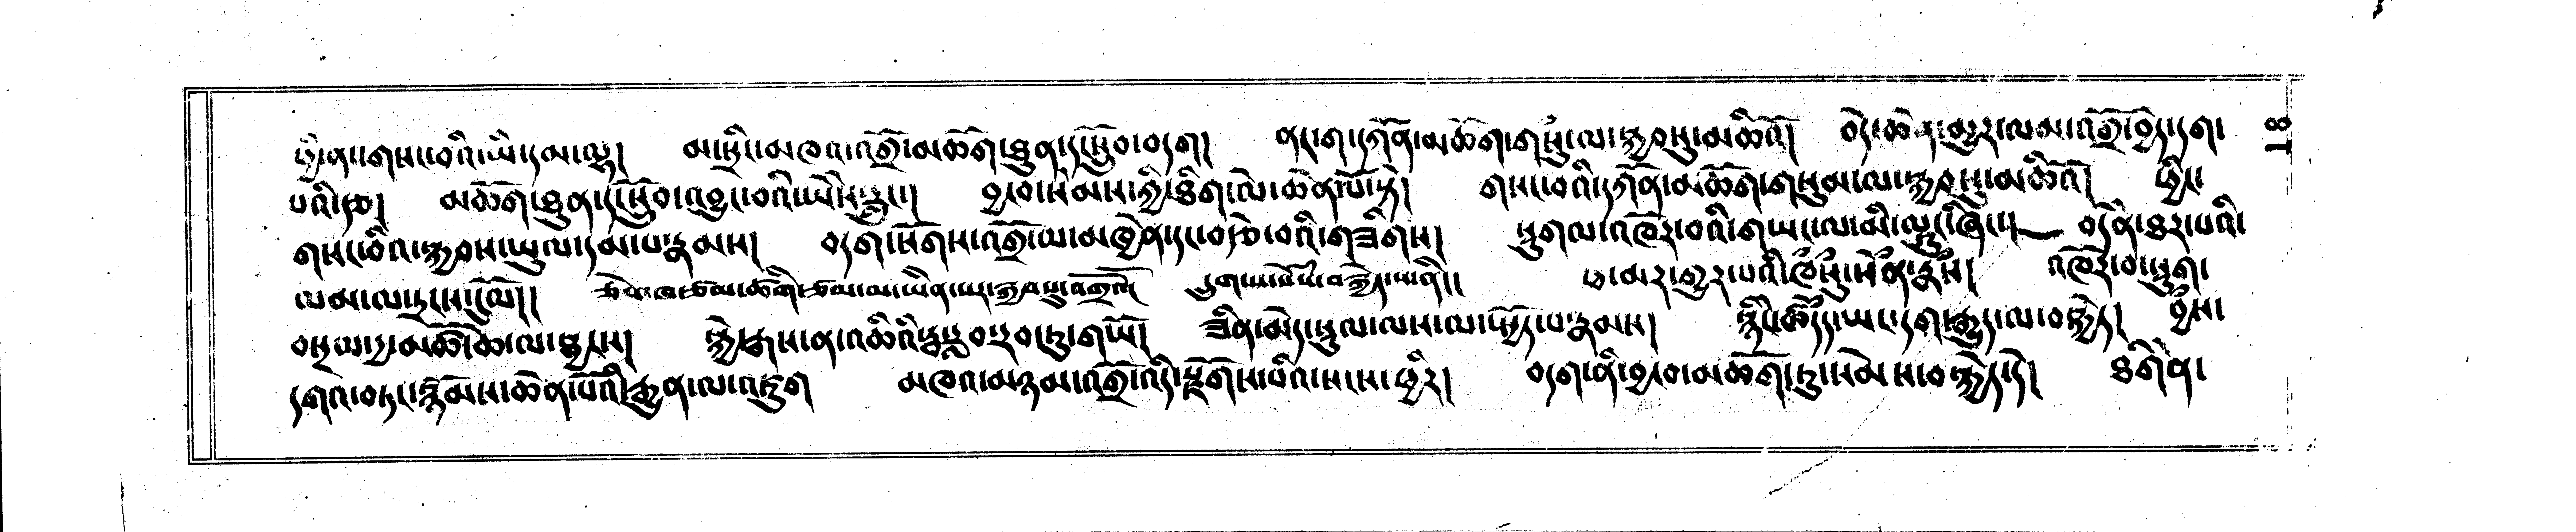ཕྱི་ནང་གསང་བའི་ཡི་དམ་ལྷ། །མ་སྲིང་མཁའ་འགྲོ་མཆོག་ཐུན་དངོས་གྲུབ་བདག །ནང་གི་དཀོན་མཆོག་གསུམ་ལ་སྐྱབས་སུ་མཆིའོ། །བདེ་ཆེན་མྱུར་ལམ་འགྲོ་བྱེད་དགེ་
བའི་རྩ། །མཆོག་ཐུན་དངོས་གྲུབ་འབྱུང་བའི་ཡེ་ཤེས་རླུང་། །བྱང་ཆུབ་སེམས་ཀྱི་ཐིག་ལེ་ཆེན་པོ་སྟེ། །གསང་བའི་དཀོན་མཆོག་གསུམ་ལ་སྐྱབས་སུ་མཆིའོ། །ཕྱི་ནང་
གསང་བའི་སྐྱབས་ཡུལ་དམ་པ་རྣམས། །བདག་སོགས་འགྲོ་ལ་མཁྱེན་དང་བརྩེ་བས་གཟིགས། །སྡུག་བསྔལ་འཁོར་བའི་གཡང་ལ་མི་ལྟུང་ཞིང་། །བདེ་ཆེན་ཐར་པའི་
ལམ་ལ་དྲང་དུ་གསོལ། །ཅེས་ཁ་ཙམ་ཚིག་ཙམ་མ་ཡིན་པར་སྐྱབས་སུ་འགྲོའོ། །དྲུག་པ་སེམས་བསྐྱེད་པ་ནི། ཕ་མར་གྱུར་པའི་ཁམས་གསུམ་སེམས་ཅན་རྣམས། །འཁོར་བ་
སྡུག་བསྔལ་རྒྱ་མཚོ་ཆ་ལ་སྦྱངས། །སྐྱེ་རྒ་ན་འཆིའི་རྦ་རླབས་རབ་ཏུ་གཡོ། །ཟིན་མེད་སྡུག་བསྔལ་ལས་ལ་སྤྱོད་པ་རྣམས། །སྙིང་རྗེ་ཚད་མེད་ཡང་དག་རྒྱུད་ལ་བསྐྱེད། །བྱམས་
དགའ་བཏང་སྙོམས་ཆེན་པོའི་རྒྱུན་ལ་འཇུག །མཁའ་མཉམ་འགྲོ་འདི་རྫོགས་པའི་སངས་རྒྱས་ཕྱིར། །བདག་ནི་བྱང་ཆུབ་མཆོག་ཏུ་སེམས་བསྐྱེད་དོ། །ཐེག་ཆེན་